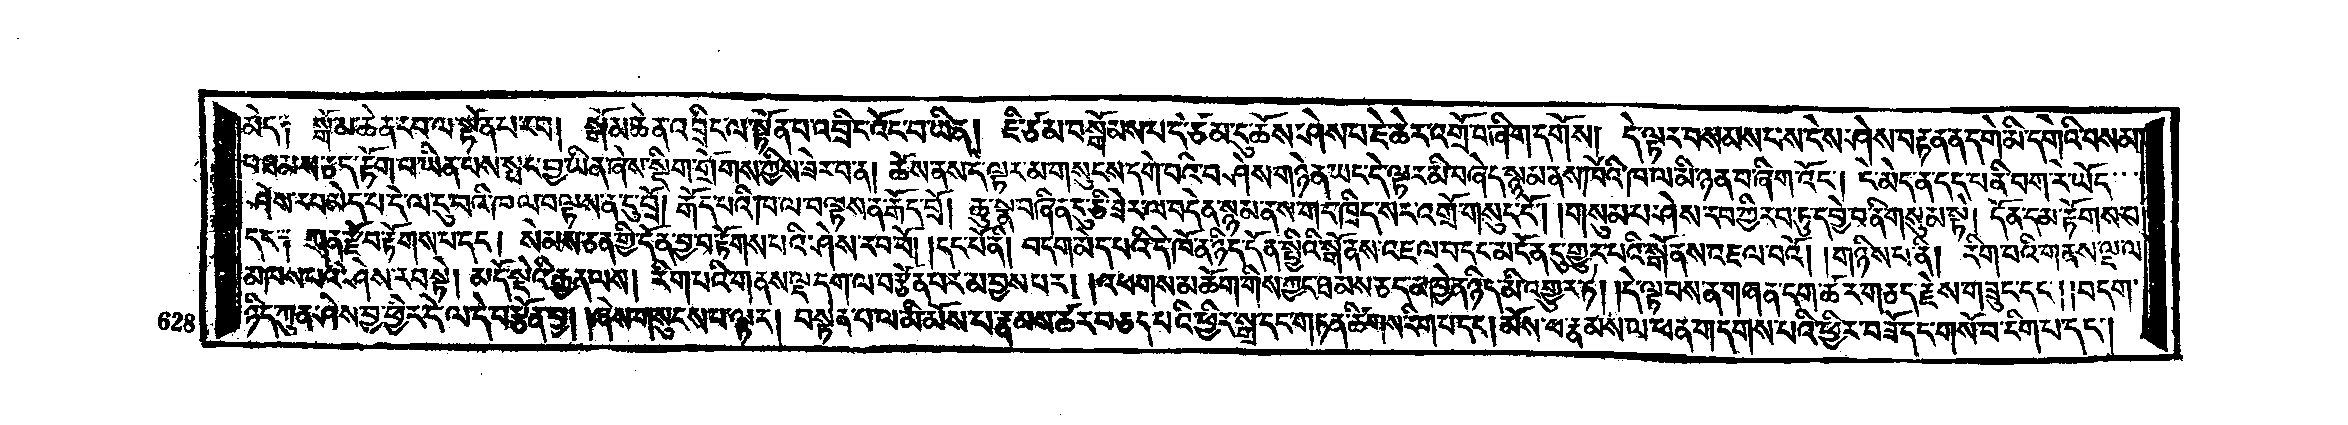མེད༑ སྒོམ་ཆེན་རབ་ལ་སྟོན་པ་རབ། སྒོམ་ཆེན་འབྲིང་ལ་སྟོན་པ་འབྲིང་འོང་བ་ཡིན། ཇི་ཙམ་བསྒོམས་པ་དེ་ཙམ་དུ་ཆོས་ཤེས་པ་ཇེ་ཆེར་འགྲོ་བ་ཞིག་དགོས། དེ་ལྟར་བསམས་པས་ངེས་ཤེས་བརྟན་ན་དགེ་མི་དགེའི་བསམ་
པ་ཐམས་ཅད་རྟོག་པ་ཡིན་པས་སྤང་བྱ་ཡིན་ཞེས་སྡིག་གྲོགས་ཀྱིས་ཟེར་བ་ན། ཆོས་ནས་དེ་ལྟར་མ་གསུངས་དགེ་བའི་བཤེས་གཉེན་ཡང་དེ་ལྟར་མི་བཞེད་སྙམ་ནས་ཁོའི་ཁ་ལ་མི་ཉན་པ་ཞིག་འོང་། དེ་མེད་ན་དད་པ་ནི་བག་རེ་ཡོད་
ཤེས་རབ་མེད་པ་དེ་ལ་དུ་བའི་ཁ་ལ་བལྟས་ན་དུ་བྲོ། རྒོད་པའི་ཁ་ལ་བལྟས་ན་རྒོད་བྲོ། ཆུ་སྣ་བཞིན་དུ་ཅི་ཟེར་ལ་བདེན་སྙམ་ནས་གར་ཁྲིད་སར་འགྲོ་གསུང་ངོ། །གསུམ་པ་ཤེས་རབ་ཀྱི་རབ་ཏུ་དབྱེ་བ་ནི་གསུམ་སྟེ། དོན་དམ་རྟོགས་པ་
དང༑ ཀུན་རྫོབ་རྟོགས་པ་དང་། སེམས་ཅན་གྱི་དོན་བྱ་བ་རྟོགས་པའི་ཤེས་རབ་བོ། །དང་པོ་ནི། བདག་མེད་པའི་དེ་ཁོ་ན་ཉིད་དོན་སྤྱིའི་སྒོ་ནས་འཇལ་བ་དང་མངོན་དུ་གྱུར་པའི་སྒོ་ནས་འཇལ་བའོ། །གཉིས་པ་ནི། རིག་པའི་གནས་ལྔ་ལ་
མཁས་པའི་ཤེས་རབ་སྟེ། མདོ་སྡེའི་རྒྱན་ལས། རིག་པའི་གནས་ལྔ་དག་ལ་བརྩོན་པར་མ་བྱས་པར། །འཕགས་མཆོག་གིས་ཀྱང་ཐམས་ཅད་མཁྱེན་ཉིད་མི་འགྱུར་ཏེ། །དེ་ལྟ་བས་ན་གཞན་དག་ཚར་གཅད་རྗེས་གཟུང་དང་། །བདག་
ཉིད་ཀུན་ཤེས་བྱ་ཕྱིར་དེ་ལ་དེ་བརྩོན་བྱ། །ཞེས་གསུངས་པ་ལྟར། བསྟན་པ་ལ་མི་མོས་པ་རྣམས་ཚར་བཅད་པའི་ཕྱིར་སྒྲ་དང་གཏན་ཚིགས་རིག་པ་དང་། མོས་པ་རྣམས་ལ་ཕན་གདགས་པའི་ཕྱིར་བཟོ་དང་གསོ་བ་རིག་པ་དང་།